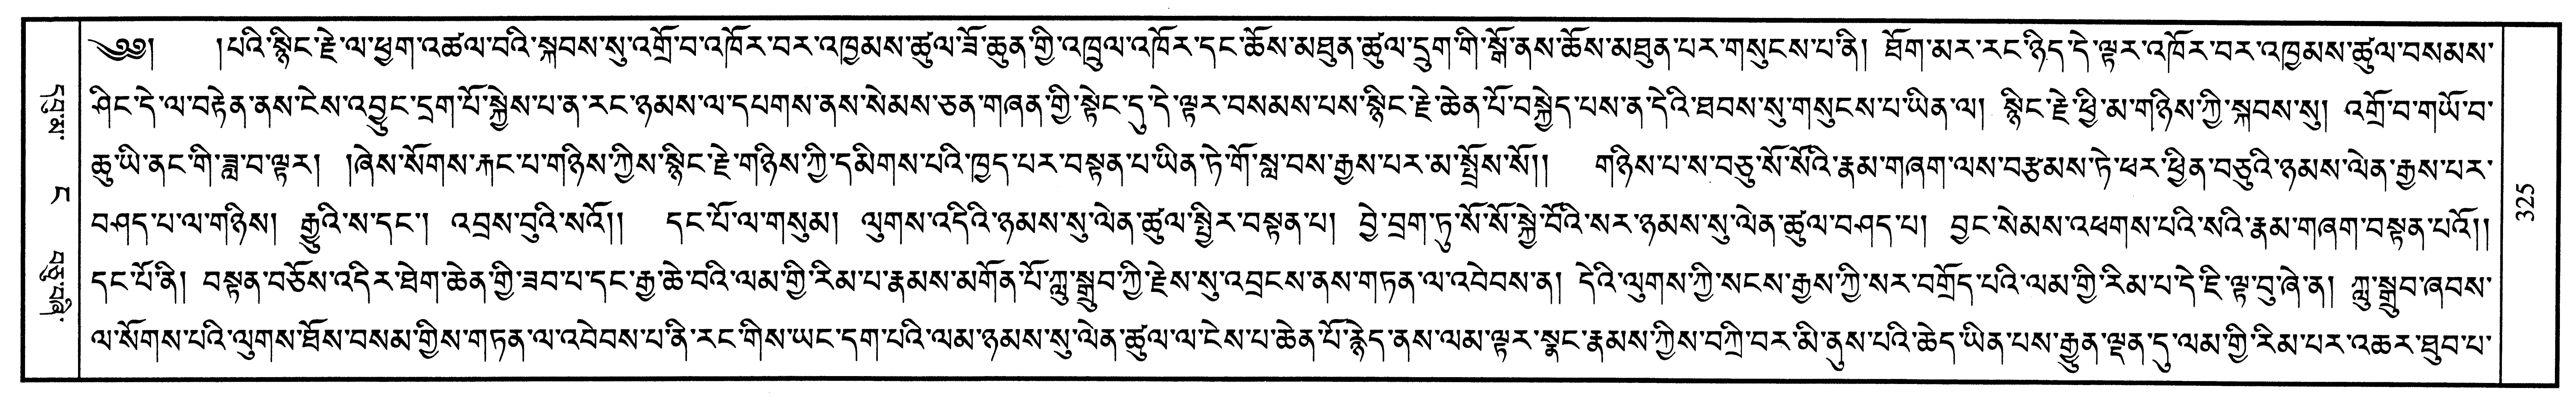༄༅། །པའི་སྙིང་རྗེ་ལ་ཕྱག་འཚལ་བའི་སྐབས་སུ་འགྲོ་བ་འཁོར་བར་འཁྱམས་ཚུལ་ཟོ་ཆུན་གྱི་འཁྲུལ་འཁོར་དང་ཆོས་མཐུན་ཚུལ་དྲུག་གི་སྒོ་ནས་ཆོས་མཐུན་པར་གསུངས་པ་ནི། ཐོག་མར་རང་ཉིད་དེ་ལྟར་འཁོར་བར་འཁྱམས་ཚུལ་བསམས་
ཤིང་དེ་ལ་བརྟེན་ནས་ངེས་འབྱུང་དྲག་པོ་སྐྱེས་པ་ན་རང་ཉམས་ལ་དཔགས་ནས་སེམས་ཅན་གཞན་གྱི་སྟེང་དུ་དེ་ལྟར་བསམས་པས་སྙིང་རྗེ་ཆེན་པོ་བསྐྱེད་པས་ན་དེའི་ཐབས་སུ་གསུངས་པ་ཡིན་ལ། སྙིང་རྗེ་ཕྱི་མ་གཉིས་ཀྱི་སྐབས་སུ། འགྲོ་བ་གཡོ་བ་
ཆུ་ཡི་ནང་གི་ཟླ་བ་ལྟར། །ཞེས་སོགས་རྐང་པ་གཉིས་ཀྱིས་སྙིང་རྗེ་གཉིས་ཀྱི་དམིགས་པའི་ཁྱད་པར་བསྟན་པ་ཡིན་ཏེ་གོ་སླ་བས་རྒྱས་པར་མ་སྤྲོས་སོ།། གཉིས་པ་ས་བཅུ་སོ་སོའི་རྣམ་གཞག་ལས་བརྩམས་ཏེ་ཕར་ཕྱིན་བཅུའི་ཉམས་ལེན་རྒྱས་པར་
བཤད་པ་ལ་གཉིས། རྒྱུའི་ས་དང་། འབྲས་བུའི་སའོ།། དང་པོ་ལ་གསུམ། ལུགས་འདིའི་ཉམས་སུ་ལེན་ཚུལ་སྤྱིར་བསྟན་པ། བྱེ་བྲག་ཏུ་སོ་སོ་སྐྱེ་བོའི་སར་ཉམས་སུ་ལེན་ཚུལ་བཤད་པ། བྱང་སེམས་འཕགས་པའི་སའི་རྣམ་གཞག་བསྟན་པའོ།།
དང་པོ་ནི། བསྟན་བཅོས་འདིར་ཐེག་ཆེན་གྱི་ཟབ་པ་དང་རྒྱ་ཆེ་བའི་ལམ་གྱི་རིམ་པ་རྣམས་མགོན་པོ་ཀླུ་སྒྲུབ་ཀྱི་རྗེས་སུ་འབྲངས་ནས་གཏན་ལ་འབེབས་ན། དེའི་ལུགས་ཀྱི་སངས་རྒྱས་ཀྱི་སར་བགྲོད་པའི་ལམ་གྱི་རིམ་པ་དེ་ཇི་ལྟ་བུ་ཞེ་ན། ཀླུ་སྒྲུབ་ཞབས་
ལ་སོགས་པའི་ལུགས་ཐོས་བསམ་གྱིས་གཏན་ལ་འབེབས་པ་ནི་རང་གིས་ཡང་དག་པའི་ལམ་ཉམས་སུ་ལེན་ཚུལ་ལ་ངེས་པ་ཆེན་པོ་རྙེད་ནས་ལམ་ལྟར་སྣང་རྣམས་ཀྱིས་བཀྲི་བར་མི་ནུས་པའི་ཆེད་ཡིན་པས་རྒྱུན་ལྡན་དུ་ལམ་གྱི་རིམ་པར་འཆར་ཐུབ་པ་